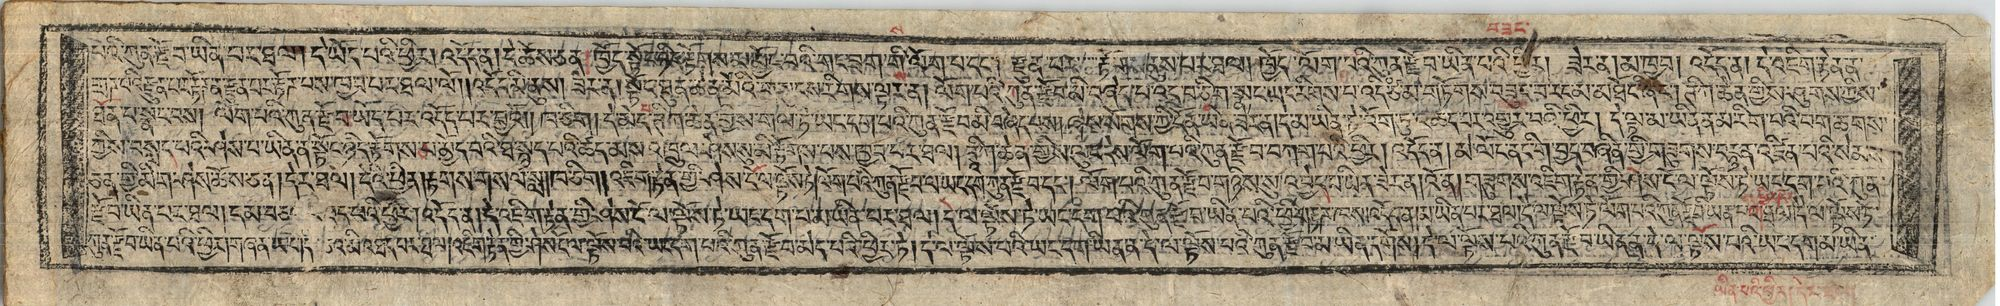པའི་ཀུན་རྫོབ་ཡིན་པར་ཐལ། དེ་ཡོད་པའི་ཕྱིར། འདོད་ན། དེ་ཆོས་ཅན། ཁྱོད་སྟོང་ཉིད་རྟོགས་མ་མྱོང་བའི་གང་ཟག་གིས་ལོག་པ་དང་། རྫུན་པར་རྟོགས་ནུས་པར་ཐལ། ཁྱོད་ལོག་པའི་ཀུན་རྫོབ་ཡིན་པའི་ཕྱིར། ཟེར་ན། མ་ཁྱབ། འདོད་ན། དེ་འཇིག་རྟེན་ན་
གྲགས་པའི་རྫུན་པར་རྟོགས་ན་རྫུན་པར་རྟོགས་པས་ཁྱབ་པར་ཐལ་ལོ། །འདོད་མི་ནུས། ཟེར་ན། སྟོང་ཐུན་ཆེན་མོའི་གསུངས་རིགས་ལྟར་ན། ལོག་པའི་ཀུན་རྫོབ་མི་བཞེད་པ་འདྲ་བ་ཅིག་སྣང་ཡང་རིགས་པ་འདི་ཙམ་གཏོགས་བཟང་བ་རང་མ་མཐོང་ཞིང་། ཊིཀ་ཆེན་གྱིས་ཤུགས་ཀྱིས་
ཐོན་པ་སྣང་བས། ལོག་པའི་ཀུན་རྫོབ་ཡོད་པར་འདོད་པར་བྱའོ། །ཁ་ཅིག །དེ་མེད་པ་ཊིཀ་ཆེན་གྱིས་གལ་ཏེ་ཡང་དག་པའི་ཀུན་རྫོབ་མི་བཞེད་པས། ཞེས་སོགས་ཀྱི་དོན་ཡིན་ཟེར་ན། དེ་མ་ཡིན་ཏེ་འོག་ཏུ་འཆད་པར་འགྱུར་བའི་ཕྱིར། དེ་ལྟ་མ་ཡིན་ན་མ་རིག་པའི་བག་ཆགས་
ཀྱིས་བསླད་པའི་ཤེས་པ་ཡིན་ན་སྟོང་ཉིད་རྟོགས་མ་མྱོང་བའི་ཐ་སྙད་པའི་ཚད་མས་འཁྲུལ་ཤེས་སུ་མི་རྟོགས་པས་ཁྱབ་པར་ཐལ། ཊཱིཀ་ཆེན་གྱིས་ལུང་དེས་ལོག་པའི་ཀུན་རྫོབ་བཀག་པའི་ཕྱིར། འདོད་ན། མེ་ལོང་ནང་གི་བྱད་བཞིན་གྱི་གཟུགས་བརྙན་འཛིན་པའི་སེམས་
ཅན་གྱི་མིག་ཤེས་ཆོས་ཅན། དེར་ཐལ། དེའི་ཕྱིན། རྟགས་གསལ་སླ། ཁ་ཅིག །འཇིག་རྟེན་གྱི་ཤེས་ངོ་ལ་ལྟོས་ཏེ། ལོག་པའི་ཀུན་རྫོབ་ལ་ཡང་དག་ཀུན་རྫོབ་དང་། ལོག་པའི་ཀུན་རྫོབ་གཉིས་སུ་འབྱེད་པ་ཡིན་ཟེར་ན། འོ་ན། གཟུགས་འཇིག་རྟེན་གྱི་ཤེས་ངོ་ལ་ལྟོས་ཏེ་ཡང་དག་པའི་ཀུན་
རྫོབ་ཡིན་པར་ཐལ། དམ་བཅའ་འཐད་པའི་ཕྱིར། འདོད་ན། དེ་འཇིག་རྟེན་གྱི་ཤེས་ངོ་ལ་ལྟོས་ཏེ་ཡང་དག་པ་མ་ཡིན་པར་ཐལ། དེ་ལ་ལྟོས་ཏེ་ཡང་དག་པའི་ཀུན་རྫོབ་ཡིན་པའི་ཕྱིར། རྟགས་ཁས། འདོད་ན། མ་ཡིན་པར་ཐལ། དཻལ་ལྟོས་ཏེ་ལོག་པའི་ཀུན་རྫོབ་ཡིན་པའི་ཕྱིར། དེར་ཐལ། དཻལ་ལྟོས་ཏེ་
ཀུན་རྫོབ་ཡིན་པའི་ཕྱིར། གཞན་ཡང་། དམ་བཅའ་མི་འཐད་པར་ཐལ། འཇིག་རྟེན་གྱི་ཤེས་ངོ་ལ་ལྟོས་པའི་ཡང་དག་པའི་ཀུན་རྫོབ་མེད་པའི་ཕྱིར་ཏེ། དེ་ལ་ལྟོས་པའི་ཡང་དག་ཡིན་ན་དེ་ལ་ལྟོས་པའི་ཀུན་རྫོབ་མ་ཡིན་དགོས། དེ་ལ་ལྟོས་པའི་ཀུན་རྫོབ་ཡིན་ན་དེ་ལ་ལྟོས་པའི་ཡང་དག་མ་ཡིན་